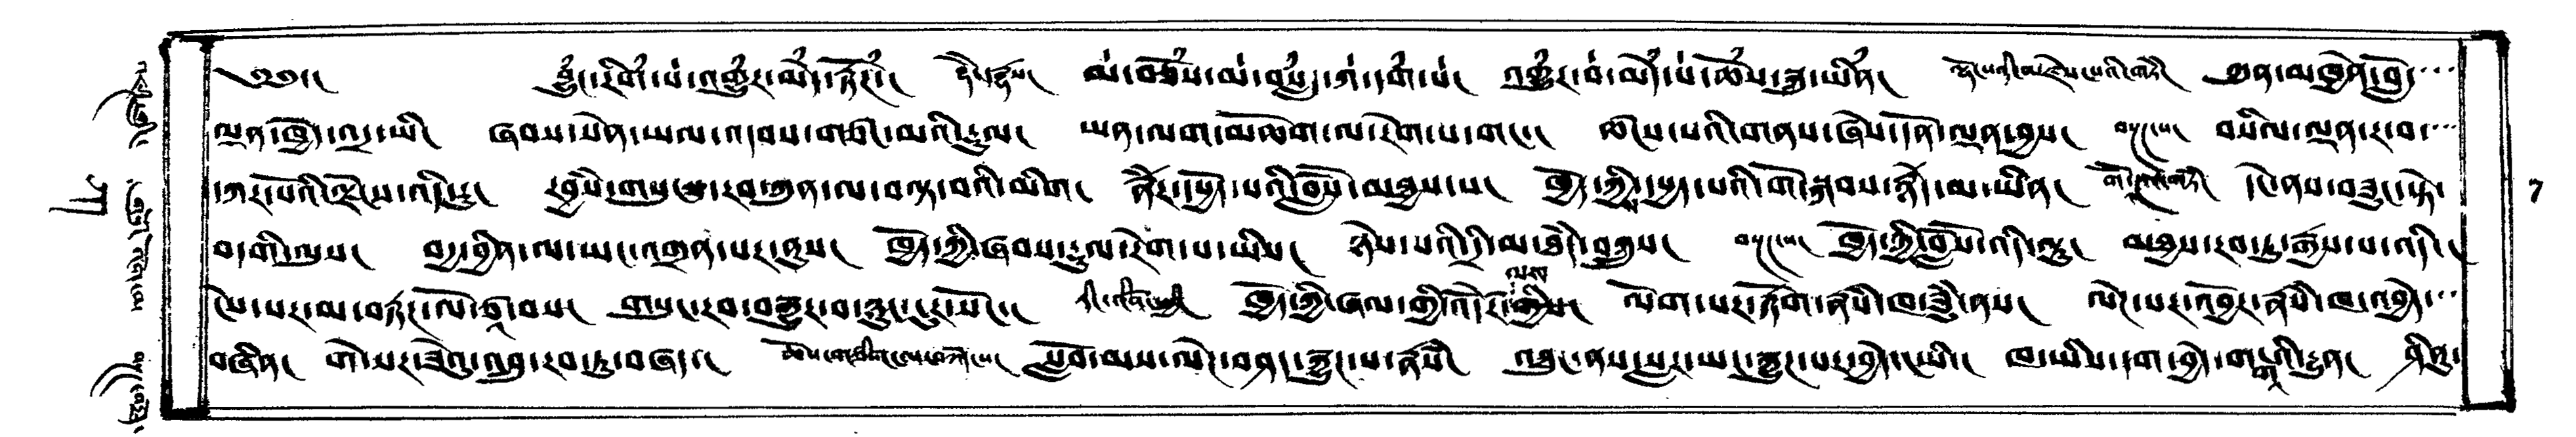བྱུང་རིག་པ་འགྱུར་མེད་རྟོགས། ། བྷཻ་དརྦྷས། མ་བཅོས་མ་བསླད་ཀ་དག་པ། །འགྱུར་བ་མེད་པ་ཆོས་སྐུ་ཡིན། ། ལྷོ་པའི་མཛེས་པའི་གཏམ། ཀུན་མཁྱེན་བློ་
ལྡན་ཁྱོད་འདྲ་ཡི། །ཞབས་སེན་ཡལ་འདབ་གཙང་མའི་རྡུལ། །ཡན་ལག་མཆོག་ལ་རེག་པ་གང་། །ཚངས་པའི་གནས་ཞེས་དོན་ལྡན་བྱས། ། བསྔགས་པ། བསིལ་ལྡན་ར་བ་
དཀར་པོའི་ལྗོངས་འདི་རུ། །རབ་འབྱམས་གསུང་རབ་ཀུན་ལ་བལྟ་བའི་མིག །རྣམ་པར་དཔྱོད་པའི་བློ་གྲོས་མཐའ་ཡས་པ། །ཁྱོད་ཀྱིས་དཔྱད་པའི་གོ་སྐབས་རྙེད་མ་ཡིན། ། གཽ་ཌཱ་བའི་གཏམ། དེང་ནས་བཟུང་སྟེ་
བདག་གི་ལུས། །བརྒྱ་བྱིན་ལ་ཡང་འགྲན་པར་ནུས། །ཁྱོད་ཀྱི་ཞབས་རྡུལ་རེག་པ་ཡིས། །ཉེས་པའི་དྲི་མ་ཐམས་ཅད་བཀྲུས། ། བསྔགས་པ། ཁྱོད་ཀྱི་བློ་གྲོས་འདི་ལྟ་བུ། །མཐའ་ཡས་རབ་ཏུ་རྒྱས་པ་འདི། །
ངེས་པར་མ་བརྟགས་ལོ་ཙཱ་བས། ། གསུང་རབ་བསྒྱུར་བ་ཉུང་ངུར་སོང་། ། ཏིང་འཛིན་སྤྱི། ཁྱོད་ཀྱི་ཞལ་གྱི་འོད་ཟེར་གྱིས། །ལོག་པར་རྟོག་རྣམས་ཁ་ཟུམ་ནས། །ལེགས་པར་འབྱོར་རྣམས་ཁ་འབྱེད་
བཞིན། །གེ་སར་ཟེའུ་འབྲུ་རབ་ཏུ་བཞད། ། ཆོས་གཅིག་ལ་བཀོད་པ། སློབ་མས་ལེགས་བཤད་སྐྱུགས་པ་རྣམས། །འཐུང་ནས་སླར་ཡང་སྐྱུགས་པར་བྱེད། །ཁ་ཡིས་དག་བྱེད་གངྒཱའི་རྒྱུན། །ཤིན་ཏུ་